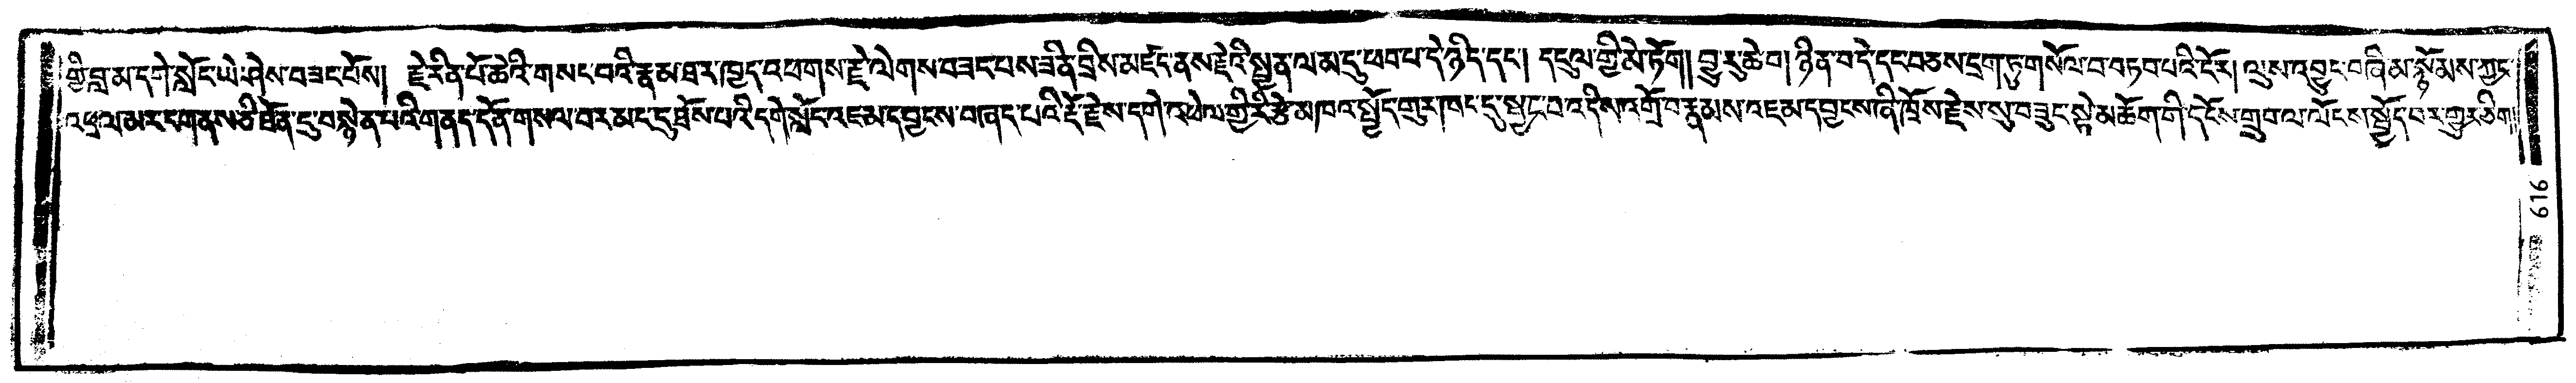གྱི་བླ་མ་དགེ་སློང་ཡེ་ཤེས་བཟང་པོས། རྗེ་རིན་པོ་ཆེའི་གསང་བའི་རྣམ་ཐར་ཁྱད་འཕགས་རྗེ་ལེགས་བཟང་བས་ཟིན་བྲིས་མཛད་ནས་རྗེའི་སྤྱན་ལམ་དུ་ཕབ་པ་དེ་ཉིད་དང་། དངུལ་གྱི་མེ་ཏོག། བྱུ་རུ་ཆེ་བ། ཉིན་བ་དེ་དང་བཅས་དྲག་ཏུ་གསོལ་བ་བཏབ་པའི་དོར། ལུས་འབྱུང་བཞི་མ་སྙོམས་ཀྱང་
འཕྲལ་མ་རང་གནས་ཅི་ཐོན་དུ་བསྙེན་པའི་གནད་དོན་གསལ་བར་མང་དུ་ཐོས་པའི་དགེ་སློང་འཇམ་དབྱངས་བཞད་པའི་རྡོ་རྗེས་དགེ་འཕེལ་གྱི་རི་རྩེ་མཁའ་སྤྱོད་གུར་ཁང་དུ་སྦྱང་བ་འདིས་འགྲོ་བ་རྣམས་འཇམ་དབྱངས་ནི་ཁྲོས་རྗེས་སུ་བཟུང་སྟེ་མཆོག་གི་དངོས་གྲུབ་ལ་ལོངས་སྤྱོད་བར་གྱུར་ཅིག།